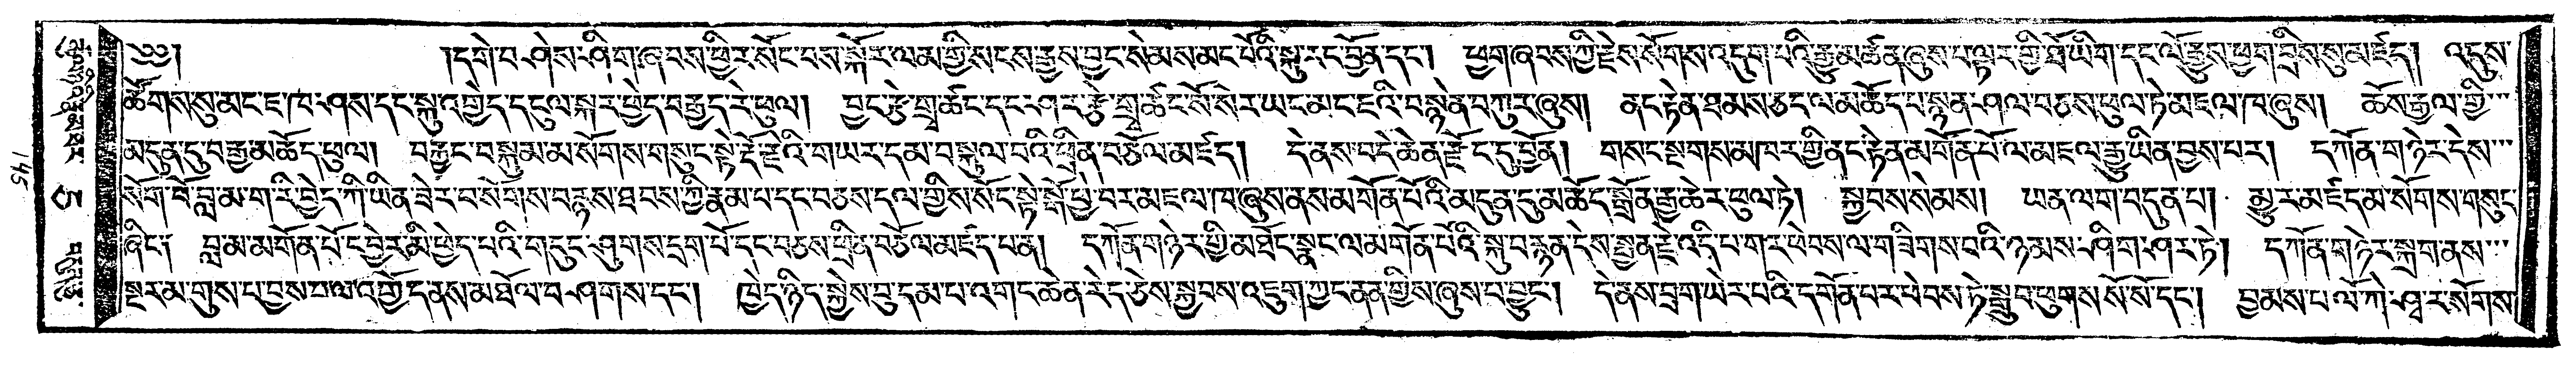༄༅། །དགེ་བཤེས་ཤིག་ཞབས་ཕྱིར་སོང་བས་སྐོར་ལམ་གྱི་སངས་རྒྱས་བྱང་སེམས་མང་པོའི་སྐུ་རང་བྱོན་དང་། ཕྱག་ཞབས་ཀྱི་རྗེས་སོགས་འདུག་པའི་རྒྱུ་མཚན་ཞུས་པ་ལྟར་གྱི་ཐོ་ཡིག་དང་ལོ་རྒྱུས་ཕྱག་བྲིས་སུ་མཛད། འདུས་
ཚོགས་སུ་མང་ཇ་ཁ་ཤས་དང་སྐུ་འགྱེད་དངུལ་སྐར་ཕྱེད་བརྒྱད་རེ་ཕུལ། བྱང་རྩེ་གྲྭ་ཚང་དང་ཤར་རྩེ་གྲྭ་ཚང་སོ་སོར་ཡང་མང་ཇའི་བསྙེན་བཀུར་ཞུས། ནང་རྟེན་ཐམས་ཅད་ལ་མཆོད་པ་སྙན་ཤལ་བཅས་ཕུལ་ཏེ་མཇལ་ཁ་ཞུས། ཆོས་རྒྱལ་གྱི་
མདུན་དུ་བརྒྱ་མཆོད་ཕུལ། བརྐྱང་བསྐུམ་མ་སོགས་གསུང་སྟེ་རྡོ་རྗེའི་གཡར་དམ་བསྐུལ་བའི་ཕྲིན་བཅོལ་མཛད། དེ་ནས་བདེ་ཆེན་རྫོང་དུ་བྱོན། གསང་སྔགས་མཁར་གྱི་ནང་རྟེན་མགོན་པོ་ལ་མཇལ་རྒྱུ་ཡིན་བྱས་པར། དཀོན་གཉེར་དེས་
སོག་པོ་བླ་མ་ག་རི་བྱེད་ཀི་ཡིན་ཟེར་བ་སོགས་བརྙས་ཐབས་ཀྱི་རྣམ་པ་དང་བཅས་དལ་གྱིས་སོང་སྟེ་སྒོ་ཕྱེ་བར་མཇལ་ཁ་ཞུས་ནས་མགོན་པོའི་མདུན་དུ་མཆོད་སྒྲོན་རྒྱ་ཆེར་ཕུལ་ཏེ། སྐྱབས་སེམས། ཡན་ལག་བདུན་པ། མྱུར་མཛད་མ་སོགས་གསུང་
ཞིང༑ བླ་མ་མགོན་པོ་དབྱེར་མི་ཕྱེད་པའི་གདུང་ཤུགས་དྲག་པོ་དང་བཅས་ཕྲིན་བཅོལ་མཛད་པ་ན། དཀོན་གཉེར་གྱི་མཐོང་སྣང་ལ་མགོན་པོའི་སྐུ་བརྙན་དེས་སྤྱན་རྗེ་འདི་པ་གར་ཕེབས་ལ་གཟིགས་པའི་ཉམས་ཤིག་ཤར་ཏེ། དཀོན་གཉེར་སྐྲག་ནས་
སྔར་མ་གུས་པ་བྱས་པ་ལ་འགྱོད་ནས་མཐོལ་བཤགས་དང་། ཁྱེད་ཉིད་སྐྱེས་བུ་དམ་པ་འགང་ཆེན་རེད་ཅེས་སྐྱབས་འཇུག་ཀྱང་ནན་གྱིས་ཞུས་པ་བྱུང་། དེ་ནས་བྲག་ཡིར་བའི་དགོན་བར་ཕེབས་ཏེ་སྒྲུབ་ཕུགས་སོ་སོ་དང་། བྱམས་པ་ལོ་ཀེ་ཤྭ་ར་སོགས་